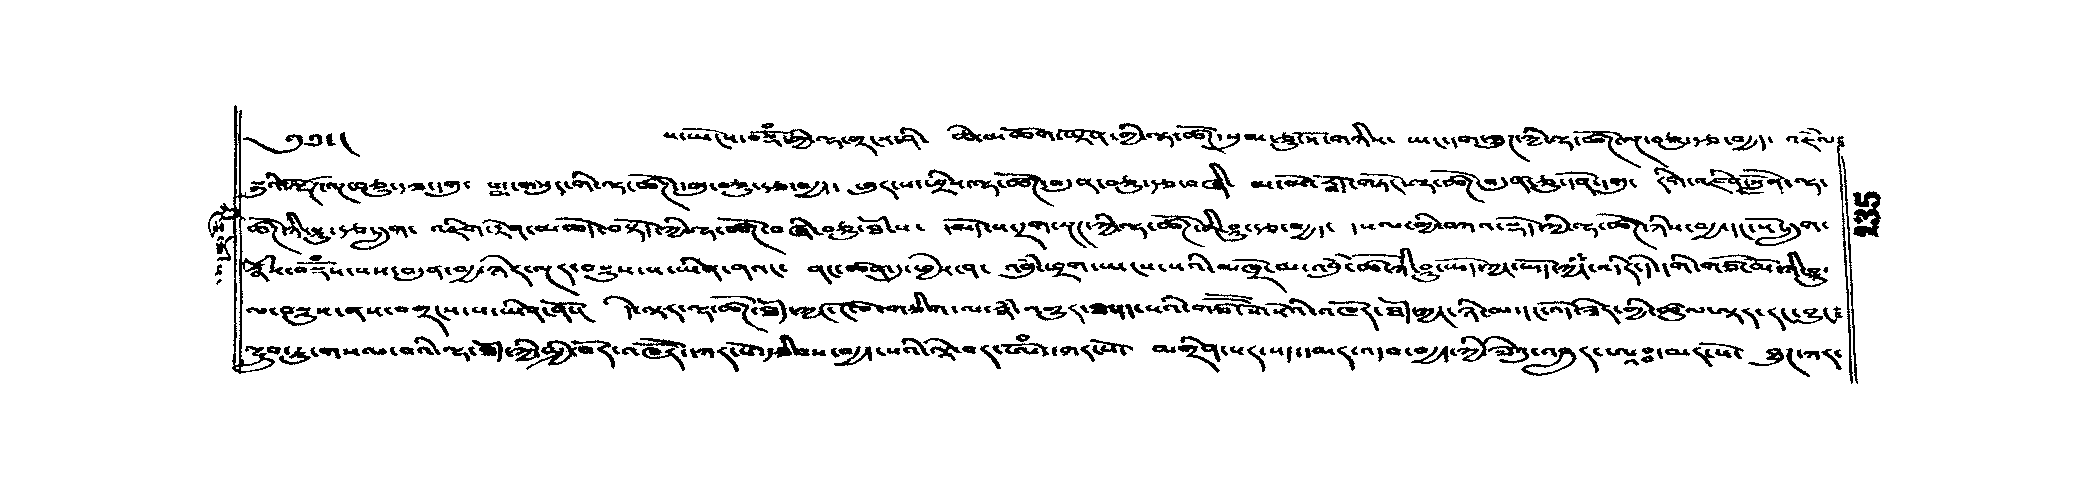ཡོངས་བསྡོམ་གྱི་ལྷ་གྲངས་ནི། ཆེ་མཆོག་ཡོན་ཏན་གྱི་ལྷ་ཚོགས་སུམ་ཅུ་སོ་གཉིས།ཡང་དག་ཐུགས་ཀྱི་ལྷ་ཚོགས་ལྔ་བཅུ་རྩ་བརྒྱད། འཇམ་དཔལ་
སྐུའི་ལྷ་ཚོགས་ལྔ་བཅུ་རྩ་དགུ་པདྨ་གསུང་གི་ལྷ་ཚོགས་དགུ་བཅུ་རྩ་བརྒྱད། ཕུར་པ་ཕྲིན་ལས་བདུན་བཅུ་རྩ་བཞི། མ་མོ་རྦོད་གཏོང་ལྷ་ཚོགས་བདུན་ཅུ་དོན་དགུ་རིག་འཛིན་སློབ་དཔོན་ལྷ་
ཚོགས་ཉི་ཤུ་རྩ་དྲུག་འཇིག་རྟེན་མཆོད་བསྟོད་ཀྱི་ལྷ་ཚོགས་བཞི་བཅུ་ཐམ་པ། དམོད་པ་དྲག་སྔགས་ཀྱི་ལྷ་ཚོགས་ཉི་ཤུ་རྩ་བརྒྱད། དཔལ་གྱི་བཀའ་སྡོད་ཀྱི་ལྷ་ཚོགས་ཉིས་བརྒྱ་དང་སོ་དྲུག་
རྣམས་བསྡོམ་པས་བདུན་བརྒྱ་ཉེར་ལྔར་བསྡུས་པ་ཡིན་ནའང་། ནང་ཚན་དུ་ཕྱེས་ན། འབུམ་ཕྲག་ཡངས་པའི་མཁའ་འགྲོ་མ་འབུམ་ཚོ་ཉི་ཤུ་ཡོད་ཀྱང་འདིར་འདི་དག་གི་གཙོ་མོ་ཉི་ཤུ་
ལ་བསྡུས་ནས་བགྲངས་པ་ཡིན་ནོ། དེ་ལྟར་ལྷ་ཚོགས་ཐམས་ཅད་ཀྱང་ངོ་བོ་གཅིག་ལ་རྣམ་འགྱུར་ཐ་དད་པའི་གཙོ་བོ་སོ་སོའི་འཁོར་ཐམས་ཅད་ཀྱང་ཉི་མ་དང་འོད་ཟེར་གྱི་ཚུལ་ལྟར་རང་བྱུང་
ལྷུན་གྲུབ་ཏུ་གསལ་བའི་ལྷ་ཚོགས་ཐམས་ཅད་ཀྱི་སྤྱི་བོར་འཁོར་ལོ་དཀར་པོ་རྩིབས་བརྒྱད་པའི་ལྟེ་བར་ཨོཾ་དཀར་པོ། མགྲིན་པར་པད་དམར་འདབ་བརྒྱད་ཀྱི་ཟེའུ་འབྲུར་ཨཱཿདམར་པོ། ཐུགས་ཀར་